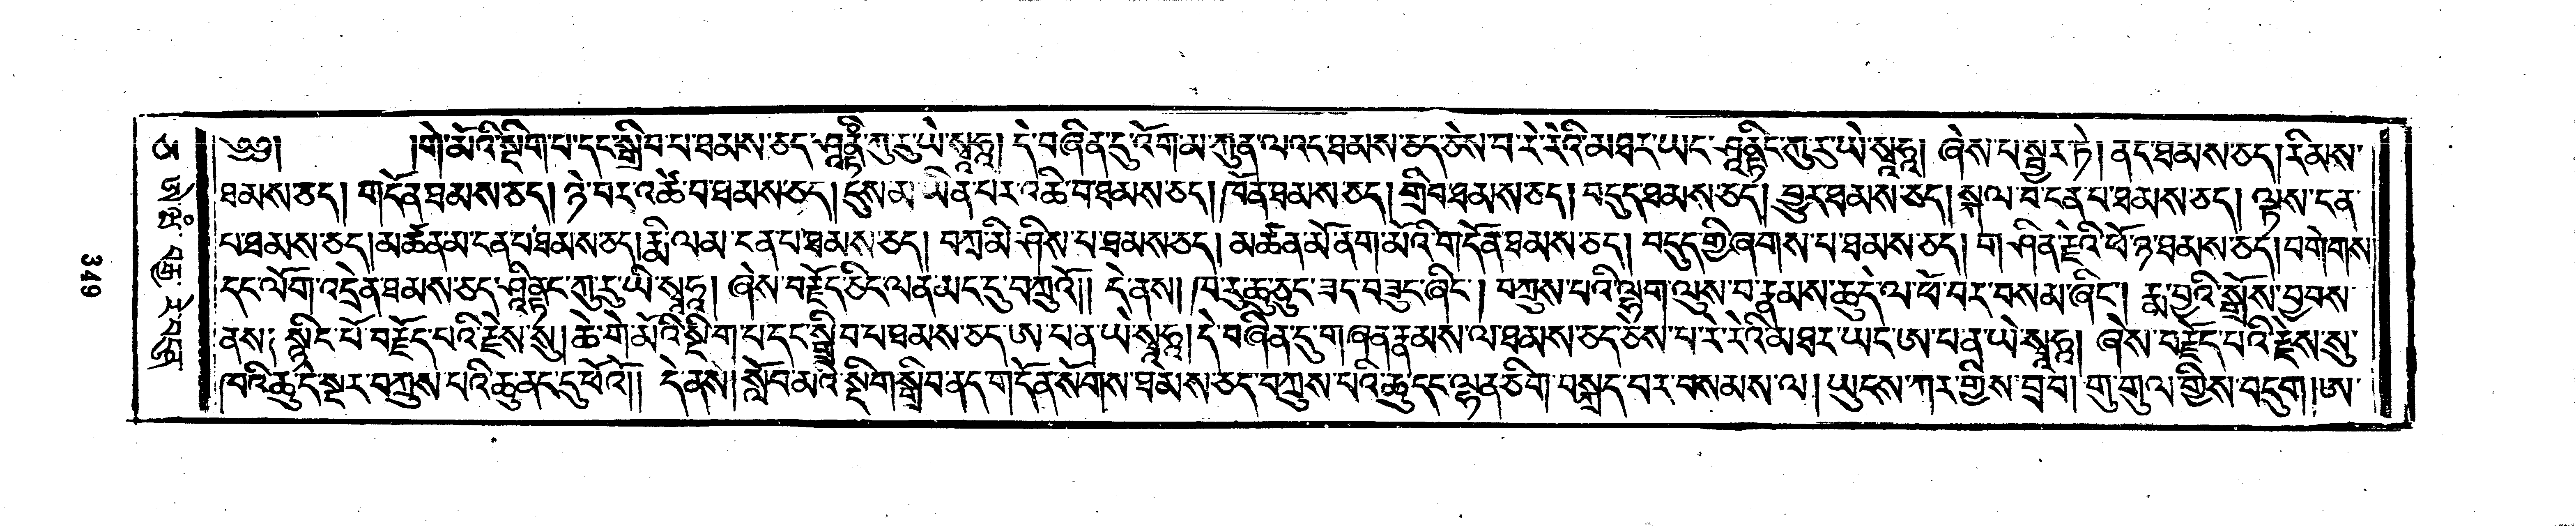༄༅། །གེ་མོའི་སྡིག་པ་དང་སྒྲིབ་པ་ཐམས་ཅད་ཤཱནྟིཾ་ཀུ་རུ་ཡེ་སྭཱཧཱ། དེ་བཞིན་དུ་འོག་མ་ཀུན་ལའང་ཐམས་ཅད་ཅེས་པ་རེ་རེའི་མཐར་ཡང་ཤཱནྟིང་ཀུ་རུ་ཡེ་སྭཱཧཱ། ཞེས་པ་སྦྱར་ཏེ། ནད་ཐམས་ཅད། རིམས་
ཐམས་ཅད། གདོན་ཐམས་ཅད། ཉེ་བར་འཚེ་བ་ཐམས་ཅད། དུས་མ་ཡིན་པར་འཆི་བ་ཐམས་ཅད། ཁོན་ཐམས་ཅད། གྲིབ་ཐམས་ཅད། བདུད་ཐམས་ཅད། བྱུར་ཐམས་ཅད། སྐལ་བ་ངན་པ་ཐམས་ཅད། ལྟས་ངན་
པ་ཐམས་ཅད། མཚན་མ་ངན་པ་ཐམས་ཅད། རྨི་ལམ་ངན་པ་ཐམས་ཅད། བཀྲ་མི་ཤིས་པ་ཐམས་ཅད། མཚན་མོ་ནག་མོའི་གདོན་ཐམས་ཅད། བདུད་ཀྱི་ཞགས་པ་ཐམས་ཅད། གཤིན་རྗེའི་ཕོ་ཉ་ཐམས་ཅད། བགེགས་
དང་ལོག་འདྲེན་ཐམས་ཅད་ཤཱནྟིང་ཀུ་རུ་ཡེ་སྭཱཧཱ། ཞེས་བརྗོད་ཅིང་ལན་མང་དུ་བཀྲུའོ།། དེ་ནས། ཁ་རུ་ཆུ་ཅུང་ཟད་བཟུང་ཞིང་། བཀྲུས་པའི་ལྷག་ལུས་པ་རྣམས་ཆུ་དེ་ལ་ཕོ་བར་བསམ་ཞིང་། རྨ་བྱའི་སྒྲོས་བྱབས་
ནས༑ སྙིང་པོ་བརྗོད་པའི་རྗེས་སུ། ཆེ་གེ་མོའི་སྡིག་པ་དང་སྒྲིབ་པ་ཐམས་ཅད་ཨ་པ་ན་ཡེ་སྭཱཧཱ། དེ་བཞིན་དུ་གཞན་རྣམས་ལ་ཐམས་ཅད་ཅེས་པ་རེ་རེའི་མཐར་ཡང་ཨ་པ་ན་ཡེ་སྭཱཧཱ། ཞེས་བརྗོད་པའི་རྗེས་སུ་
ཁའི་ཆུ་དེ་སྔར་བཀྲུས་པའི་ཆུ་ནང་དུ་ཕོའོ།། དེ་ནས། སློབ་མའི་སྡིག་སྒྲིབ་ནད་གདོན་སོགས་ཐམས་ཅད་བཀྲུས་པའི་ཆུ་དང་ལྷན་ཅིག་བསྐྲད་པར་བསམས་ལ། ཡུངས་ཀར་གྱིས་བྲབ། གུ་གུལ་གྱིས་བདུག །ཨ་